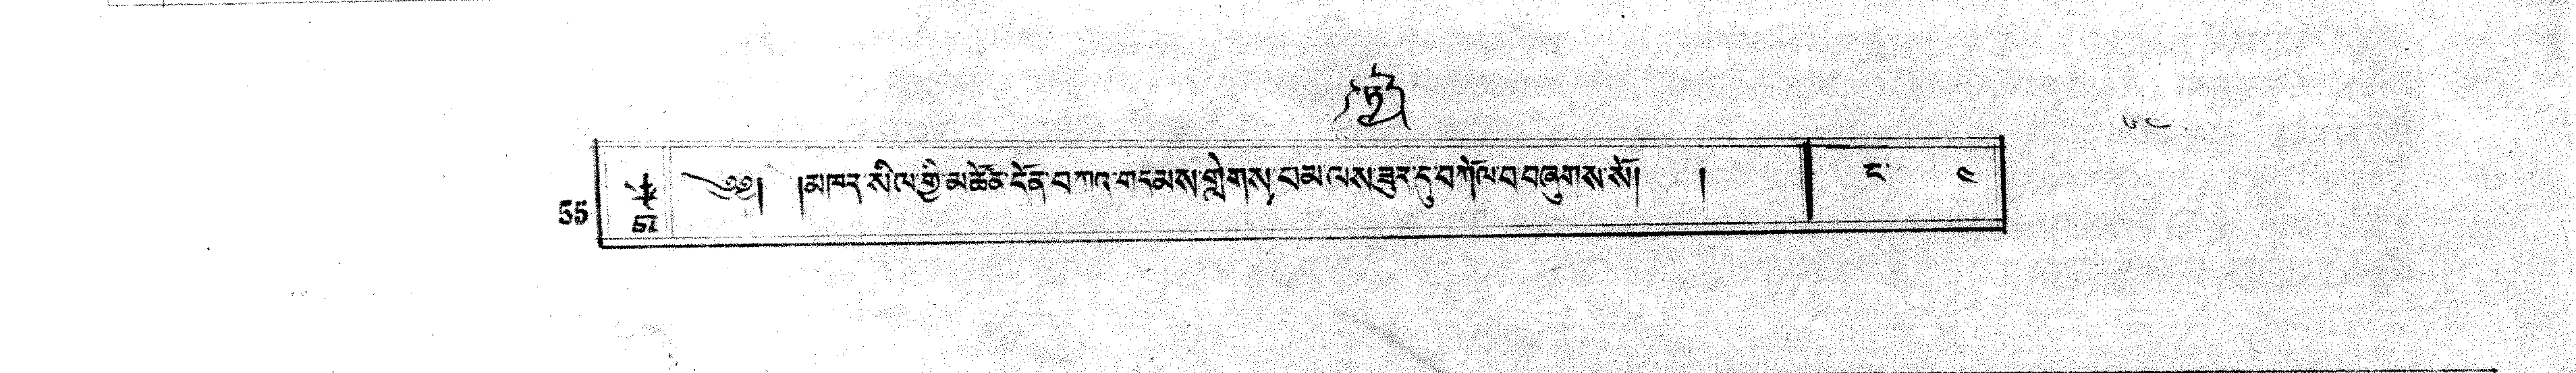ཏ ༤?
༄༅། །མཁར་སིལ་གྱི་མཚོན་དོན་བཀའ་གདམས་གླེགས་བམ་ལས་ཟུར་དུ་བཀོལ་བ་བཞུགས་སོ། །ང ༤